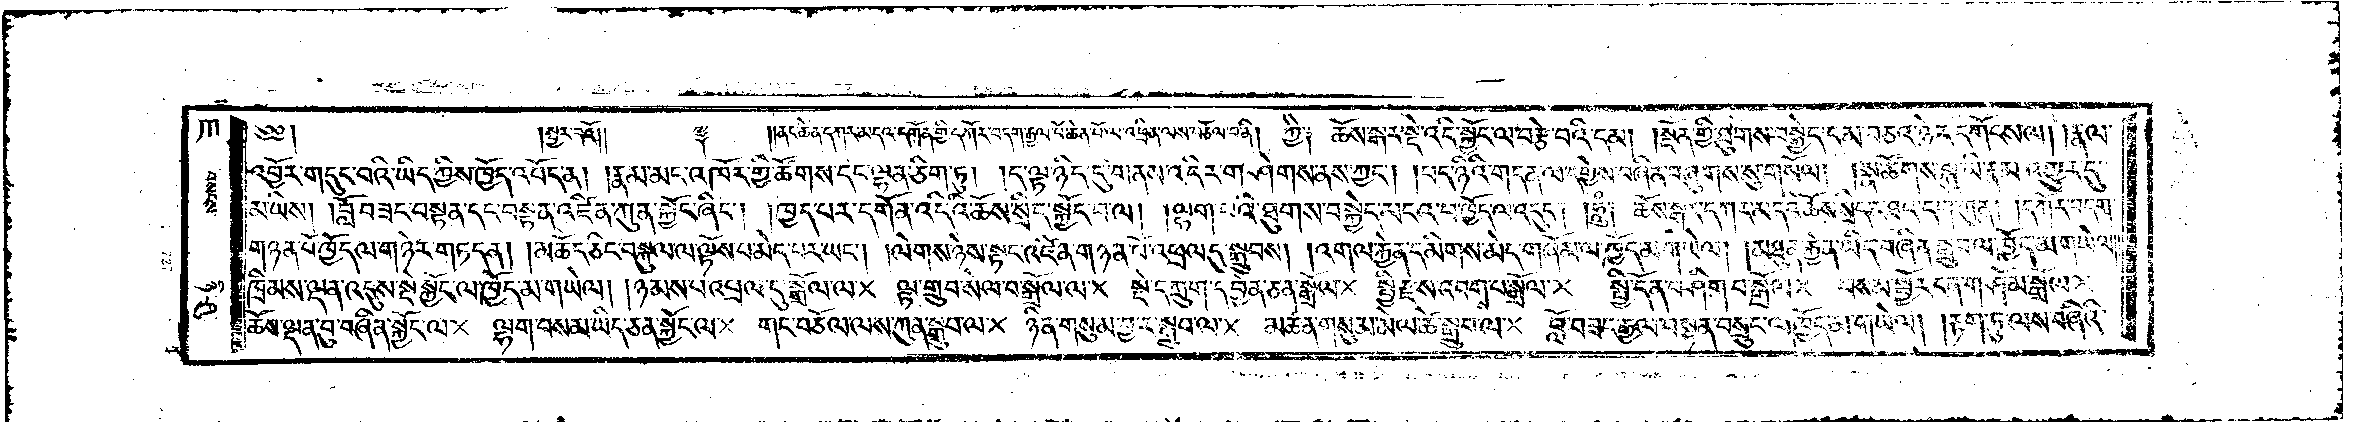༄༅། །སྦྱར་བའོ།། ༈ །།ནང་ཆེན་དཀར་མདའ་དགོན་གྱི་དཀོར་བདག་རྒྱལ་པོ་ཆེན་པོ་ལ་འཕྲིན་ལས་བཅོལ་བ་ནི། ཀྱཻ༑ ཆོས་སྒར་སྡེ་འདི་སྐྱོང་ལ་བརྩེ་བའི་དམ། །སྔོན་གྱི་ཐུགས་བསྐྱེད་དམ་བཅའ་ཉེར་དགོངས་ལ། །རྣལ་
འབྱོར་གདུང་བའི་ཡིད་ཀྱིས་ཁྱོད་འབོད་ན། །རྣམ་མང་འཁོར་གྱི་ཚོགས་དང་ལྷན་ཅིག་ཏུ། །ད་ལྟ་ཉིད་དུ་གནས་འདིར་གཤེགས་ནས་ཀྱང་། །པད་ཉིའི་གདན་ལ་དགྱེས་བཞིན་བཞུགས་སུ་གསོལ། །སྣ་ཚོགས་སྐུ་ཡི་རྣམ་འགྱུར་དུ་
མ་ཡིས། །བློ་བཟང་བསྟན་དང་བསྟན་འཛིན་ཀུན་སྐྱོང་ཞིང་། །ཁྱད་པར་དགོན་འདིའི་ཆོས་སྲིད་སྐྱོང་བ་ལ། །ལྷག་པའི་ཐུགས་བསྐྱེད་མངའ་བ་ཁྱོད་ལ་འདུད། །ཧཱུཾ༑ ཆོས་སྒར་དཀར་མདའི་ཆོས་སྲིད་མཐའ་དག་ཀུན། །དཀོར་བདག་
གཉན་པོ་ཁྱོད་ལ་གཉེར་གཏད་ན། །མཆོད་ཅིང་བསྐུལ་ལ་ལྟོས་པ་མེད་པར་ཡང་། །ལེགས་ཉེས་སྟང་འཛིན་གཉན་པོ་འཕྲལ་དུ་སྒྲུབས། །འགལ་རྐྱེན་དམིགས་མེད་གཞོམ་ལ་ཁྱོད་མ་གཡེལ། །མཐུན་རྐྱེན་ཡིད་བཞིན་སྒྲུབ་ལ་ཁྱོད་མ་གཡེལ།
ཁྲིམས་ལྡན་འདུས་སྡེ་སྐྱོང་ལ་ཁྱོད་མ་གཡེལ། །ཉམས་པ་འཕྲལ་དུ་སྒྲོལ་ལ་྾་ལྟ་གྲུབ་སེལ་བ་སྒྲོལ་྾་སྡེ་དཀྲུག་དབྱེན་ཅན་སྒྲོལ་྾་སྤྱི་རྫས་འབགས་པ་སྒྲོལ་྾་སྤྱི་དོན་བཤིག་པ་སྒྲོལ་྾་བསམ་སྦྱོར་ངན་གཤོམ་སྒྲོལ་྾་
ཆོས་ལྡན་བུ་བཞིན་སྐྱོང་ལ་྾་ལྷག་བསམ་ཡིད་ཅན་སྐྱོང་ལ་྾་གང་བཅོལ་ལས་ཀུན་སྒྲུབ་ལ་྾་ཉིན་གསུམ་བྱར་སྒྲུབ་ལ་྾་མཚན་གསུམ་མེལ་ཚེ་སྒྲུབ་ལ་྾་བློ་བཟང་རྒྱལ་བསྟན་བསྲུང་ལ་ཁྱོད་མ་གཡེལ། །རྟག་ཏུ་ལས་བཞིའི་